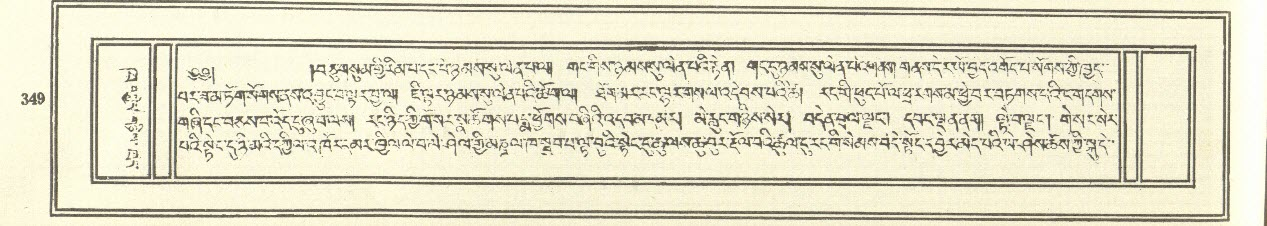༄༅། །བཅུ་གསུམ་གྱི་རིམ་པ་དང་པོ་ཉམས་སུ་ལེན་པ་ལ། གང་གིས་ཉམས་སུ་ལེན་པའི་རྟེན། གང་དུ་ཉམས་སུ་ལེན་པའི་གནས། གནས་དེར་ཡོ་བྱད་འགོད་པ་སོགས་ཀྱི་ཁྱད་
པར་ཟ་མ་ཏོག་སོགས་ནས་འབྱུང་བ་ལྟར་བྱ་ལ། ཇི་ལྟར་ཉམས་སུ་ལེན་པའི་ཆོ་ག་ལ། ཐོག་མར་རང་ལྷར་གསལ་འདེབས་པའི་ཚེ། རང་གི་ཕུང་པོ་ལ་ཕྲ་རགས་མ་ཕྱེ་བར་བཏགས་པའི་ང་གདགས་
གཞི་དང་བཅས་པ་འོད་དུ་ཞུ་བ་ལས། རང་ཉིད་ཀྱི་གོ་སར་སྣ་ཚོགས་པདམ་ཕྱོགས་བཞིའི་འདབ་མ་དམར། མེ་རླུང་གཉིས་སེར། བདེན་བྲལ་ལྗང་། དབང་ལྡན་ནག། ལྟེ་བ་ལྗང་། གེ་སར་སེར་
པའི་སྟེང་དུ་ཉི་མའི་དཀྱིལ་འཁོར་དམར་ཁྱིལ་ལེ་བ་མེ་ཤེལ་གྱི་མཎྜལ་ཁ་སྦུབ་པ་ལྟ་བུའི་སྟེང་དུ་ཆུ་ལས་ཆུ་བུར་རྡོལ་བའི་ཚུལ་དུ་རང་གི་སེམས་བདེ་སྟོང་དབྱེར་མེད་པའི་ཡེ་ཤེས་ཆོས་ཀྱི་སྐུ་དེ་